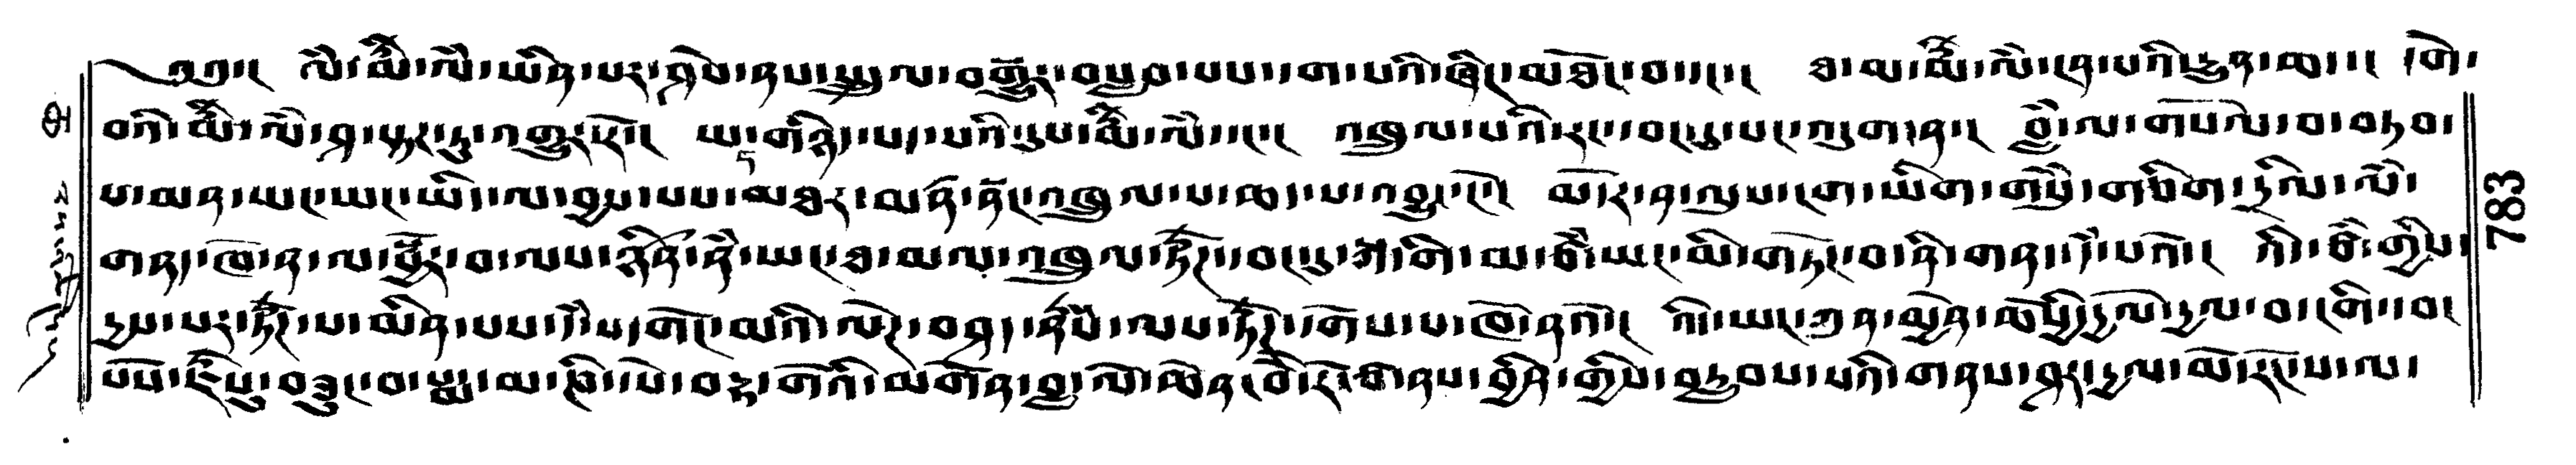ལམ་རྨི་ལམ་ཡིན་པར་ཤེས་ནས་སྤྲུལ་བསྒྱུར་བསླབ་པས་དག་པའི་ཞིང་མཐོང་བ་དང་། ཐ་མ་རྨི་ལམ་ངན་པའི་རྒྱུན་ཆད། དགེ་
བའི་རྨི་ལམ་ཤ་སྟག་ཏུ་འགྱུར་རོ། ཡང་གཉིད་སད་པའི་དུས་རྨི་ལམ་དང་། འཁྲུལ་པའི་གཞན་དབང་ ( རང་དབང་ ? )དུ་སོང་འདུག་ན། བླ་མ་ལ་གསོལ་བ་བཏབ་
པ་མན་ཡང་ཡང་ཡིད་ལ་བྱས་པས་མཐར་མཚན་སྣང་འཁྲུལ་པ་ཆད་པ་འབྱུང་ངོ་། མདོར་ན་ལུས་ངག་ཡིད་གསུམ་གཅིག་དྲིལ་ལམ་
གནད་ཁོ་ན་ལ་སྦྱོར་བ་ལས་ཉིན་མཚན་ནམ་ཡང་ཐ་མལ་འཁྲུལ་རྟོག་གི་དབང་དུ་སྐད་ཅིག་མ་ཙམ་ཡང་མི་གཏོང་བ་ནི་གནད་དམ་པའོ། འདི་ཙམ་གྱིས་
རྒྱས་པར་རྟོགས་པ་མིན་པས་དམ་པ་གོང་མའི་ལེགས་བཤད་རྣམས་ལས་རྟོགས་དགོས་པ་ཁོ་ནའོ། འདི་ཡང་ཀུན་མཁྱེན་ཆོས་ཀྱི་རྒྱལ་པོ་རྒྱལ་བ་ངག་གི་དབང་
པོས་རྗེས་སུ་བཟུང་བ་པདྨ་མ་ཎི་དེས་བརྡ་གོའི་མགོན་བླ་ལོ་ཆེན་བཻ་རོ་ཙ་ནས་བྱིན་གྱིས་བརླབས་པའི་གནས་ཤར་རྒྱལ་མོ་རོང་པ་ ( ལ་